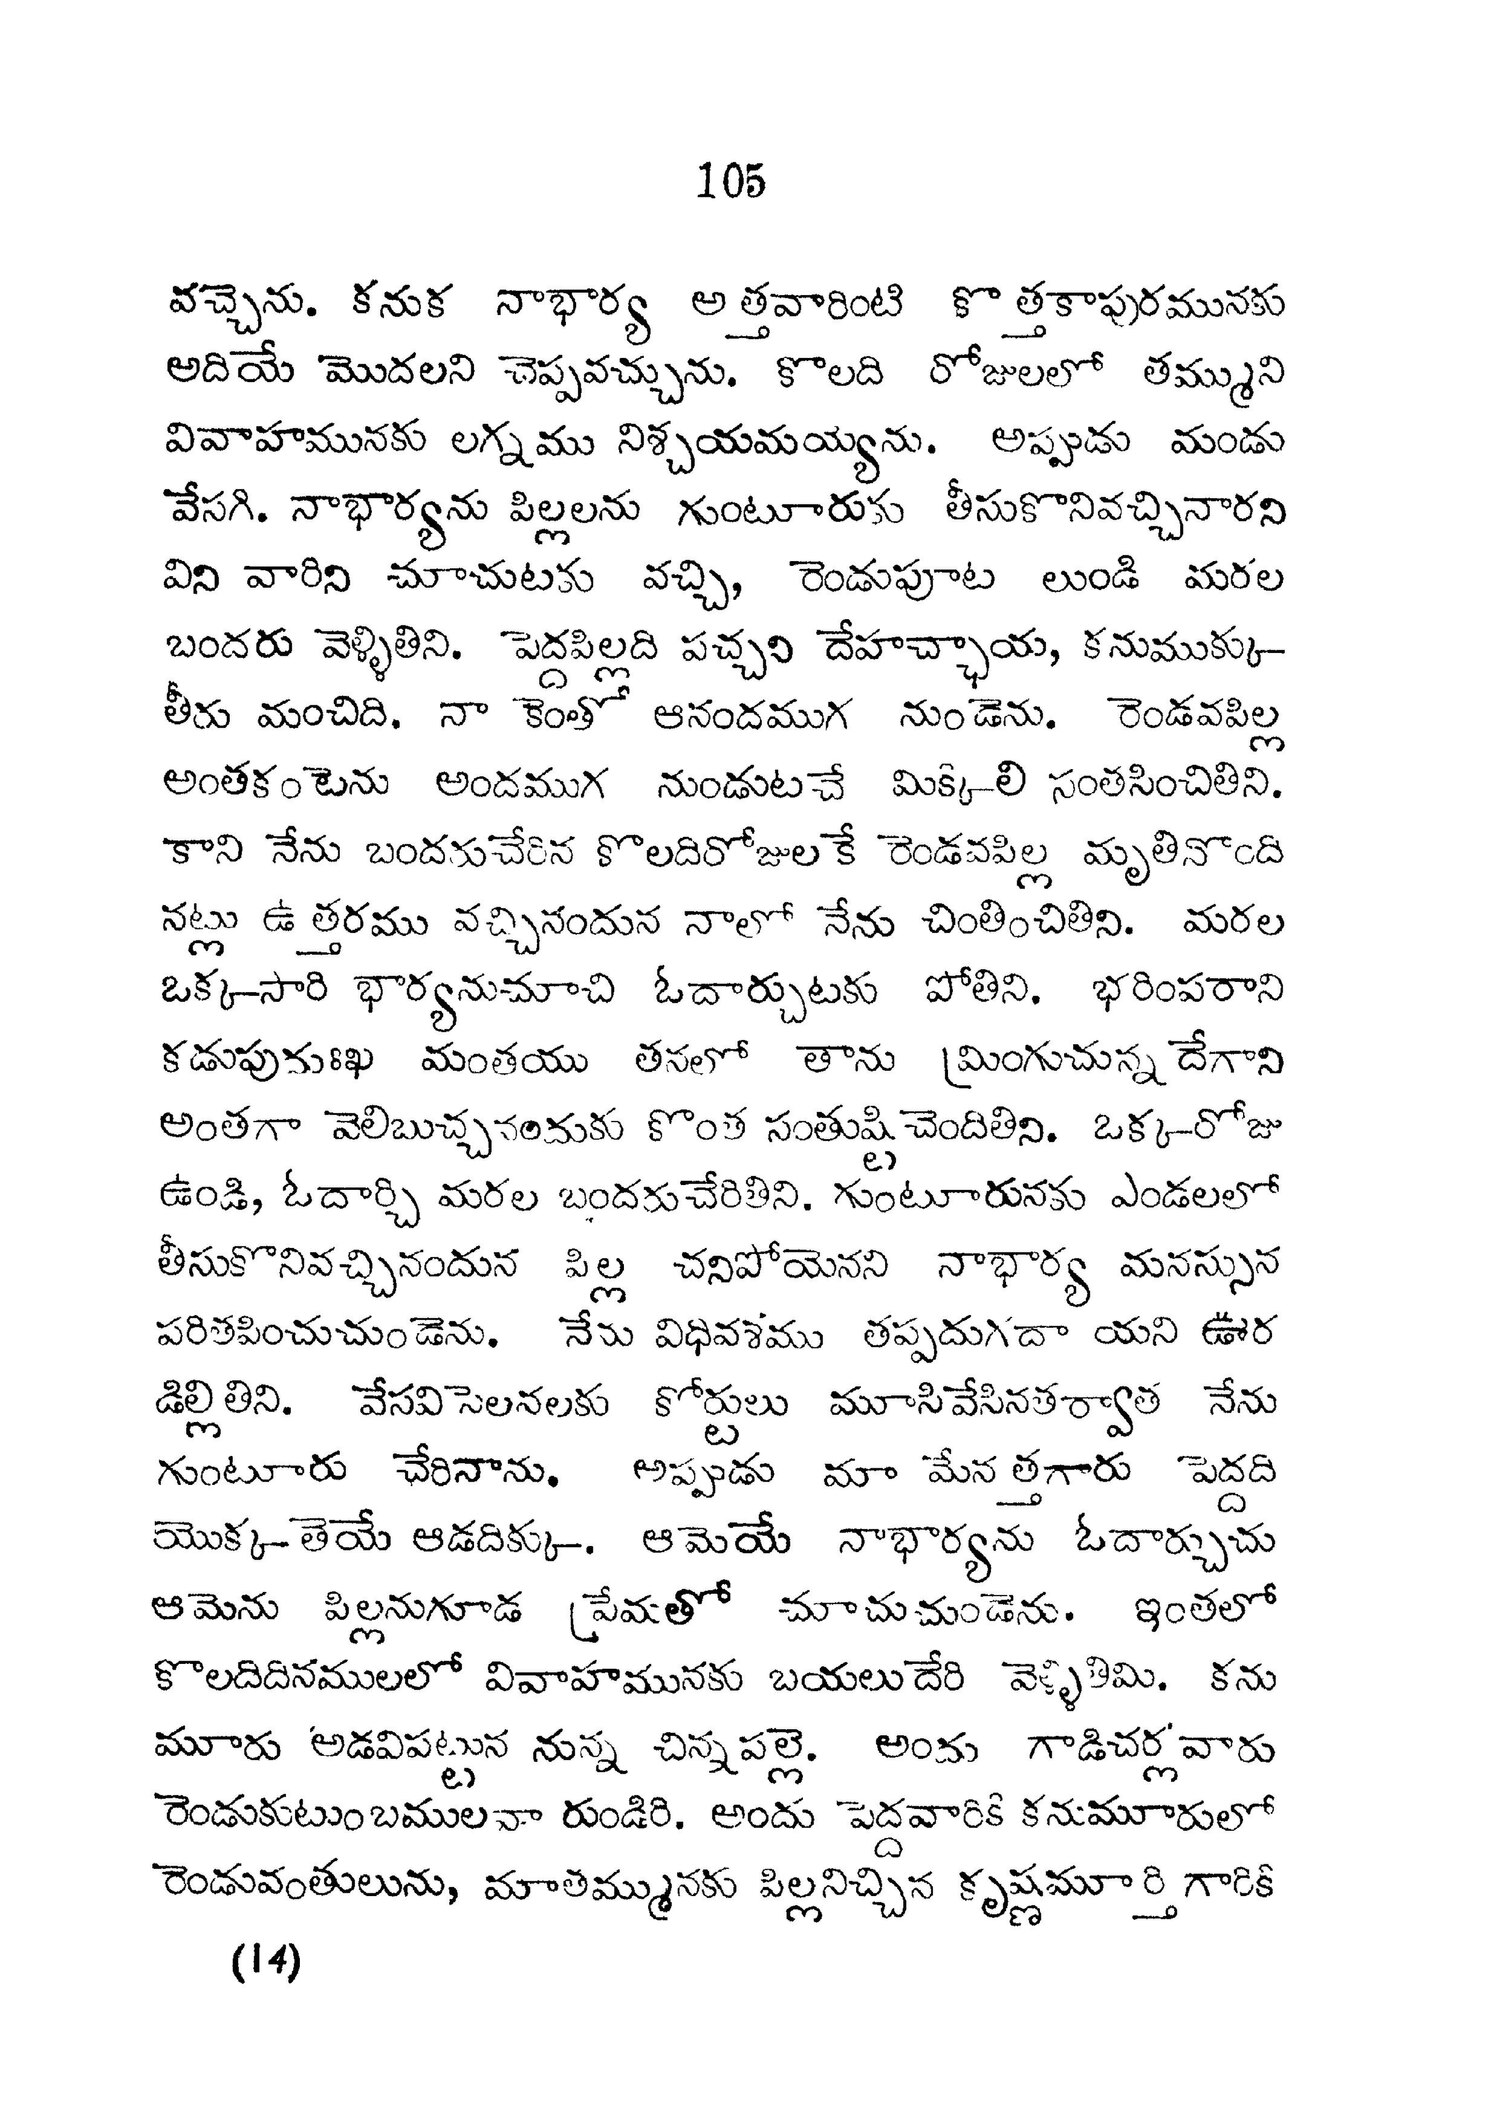వచ్చెను. కనుక నాభార్య అత్తవారింటి కొత్తకాపురమునకు అదియే మొదలని చెప్పవచ్చును. కొలది రోజులలో తమ్ముని వివాహమునకు లగ్నము నిశ్చయమయ్యను. అప్పుడు మండువేసవి. నాభార్యను పిల్లలను గుంటూరునకు తీసుకొనివచ్చినారని విని వారిని చూచుటకు వచ్చి, రెండుపూట లుండి మరల బందరు వెళ్ళితిని. పెద్దపిల్లది పచ్చని దేహచ్ఛాయ, కనుముక్కు తీరు మంచిది. నా కెంతో ఆనందముగ నుండెను. రెండవపిల్ల అంతకంటెను అందముగ నుండుటచే మిక్కిలి సంతసించితిని. కాని నేను బందరుచేరిన కొలదిరోజులకే రెండవపిల్ల మృతినొందినట్లు ఉత్తరము వచ్చినందున నాలో నేను చింతించితిని. మరల ఒక్కసారి భార్యనుచూచి ఓదార్చుటకు పోతిని. భరింపరాని కడుపుదు:ఖ మంతయు తనలో తాను మ్రింగుచున్నదేగాని అంతగా వెలిబుచ్చనందుకు కొంత సంతుష్టిచెందితిని. ఒక్కరోజు ఉండి, ఓదార్చి మరల బందరుచేరితిని. గుంటూరునకు ఎండలలో తీసుకొనివచ్చినందున పిల్ల చనిపొయెనని నాభార్య మనస్సున పరితపించుచుండెను. నేను విధివశము తప్పదుగదా యని ఊరడిల్లితిని. వేసవిసెలవులకు కోర్టులు మూసివేసినతర్వాత నేను గుంటూరు చేరినాను. అప్పుడు మా మేనత్తగారు పెద్దది యొక్కతెయే ఆడదిక్కు. ఆమెయే నాభార్యను ఓదార్చుచు ఆమెను పిల్లనుగూడ ప్రేమతో చూచుచుండెను. ఇంతలో కొలదిదినములలో వివాహమునకు బయలుదేరి వెళ్ళితిమి. కనుమూరు అడవిపట్టున నున్న చిన్నపల్లె. అందు గాడిచర్లవారు రెండుకుటుంబములవా రుండిరి. అందు పెద్దవారికి కనుమూరిలో రెండువంతులును, మాతమ్మునకు పిల్లనిచ్చిన కృష్ణమూర్తిగారికి